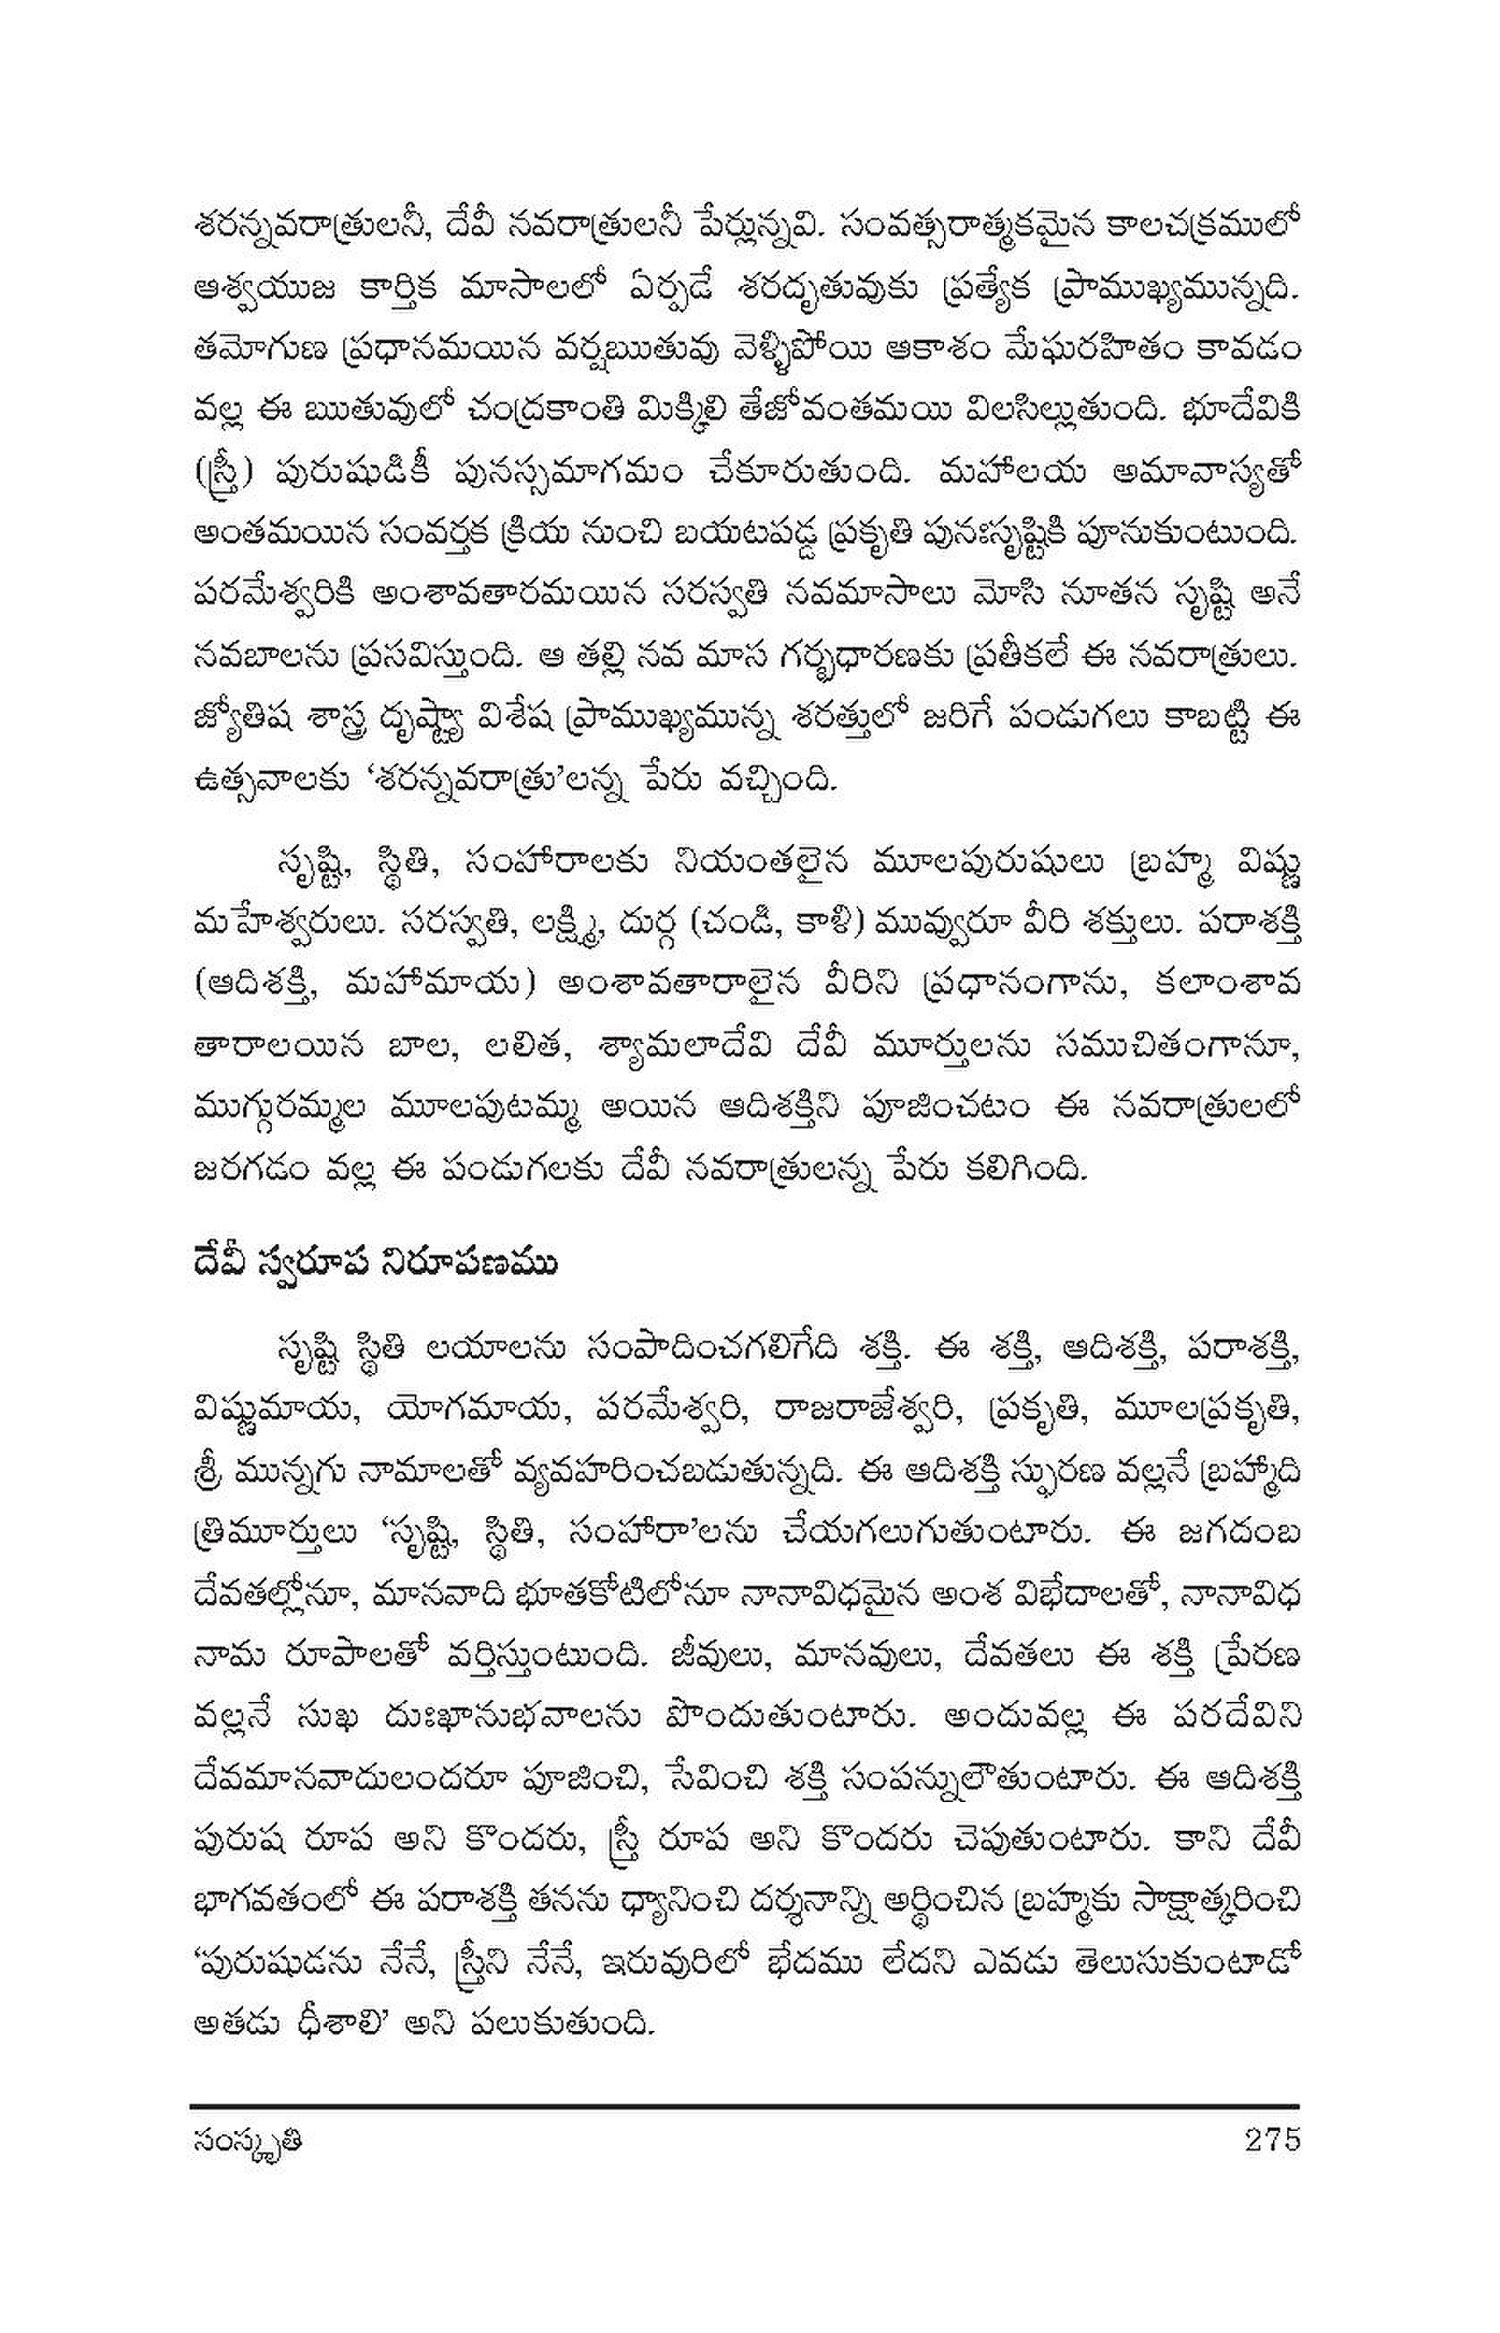శరన్నవరాత్రులనీ, దేవీ నవరాత్రులనీ పేర్లున్నవి. సంవత్సరాత్మకమైన కాలచక్రములో
ఆశ్వయుజ కార్తిక మాసాలలో ఏర్పడే శరదృతువుకు ప్రత్యేక ప్రాముఖ్యమున్నది.
తమోగుణ ప్రధానమయిన వర్షఋతువు వెళ్ళిపోయి ఆకాశం మేఘరహితం కావడం
వల్ల ఈ ఋతువులో చంద్రకాంతి మిక్కిలి తేజోవంతమయి విలసిల్లుతుంది. భూదేవికి
(స్త్రీ) పురుషుడికీ పునస్సమాగమం చేకూరుతుంది. మహాలయ అమావాస్యతో
అంతమయిన సంవర్తక క్రియ నుంచి బయటపడ్డ ప్రకృతి పునఃసృష్టికి పూనుకుంటుంది.
పరమేశ్వరికి అంశావతారమయిన సరస్వతి నవమాసాలు మోసి నూతన సృష్టి అనే
నవబాలను ప్రసవిస్తుంది. ఆ తల్లి నవ మాస గర్భధారణకు ప్రతీకలే ఈ నవరాత్రులు.
జ్యోతిష శాస్త్ర దృష్ట్యా విశేష ప్రాముఖ్యమున్న శరత్తులో జరిగే పండుగలు కాబట్టి ఈ
ఉత్సవాలకు 'శరన్నవరాత్రు'లన్న పేరు వచ్చింది.

సృష్టి, స్థితి, సంహారాలకు నియంతలైన మూలపురుషులు బ్రహ్మ విష్ణు
మహేశ్వరులు. సరస్వతి, లక్ష్మి, దుర్గ (చండి, కాళి) మువ్వురూ వీరి శక్తులు. పరాశక్తి
(ఆదిశక్తి, మహామాయ) అంశావతారాలైన వీరిని ప్రధానంగాను, కలాంశావ
తారాలయిన బాల, లలిత, శ్యామలాదేవి దేవీ మూర్తులను సముచితంగానూ,
ముగ్గురమ్మల మూలపుటమ్మ అయిన ఆదిశక్తిని పూజించటం ఈ నవరాత్రులలో
జరగడం వల్ల ఈ పండుగలకు దేవీ నవరాత్రులన్న పేరు కలిగింది.

దేవీ స్వరూప నిరూపణము

సృష్టి స్థితి లయాలను సంపాదించగలిగేది శక్తి. ఈ శక్తి, ఆదిశక్తి, పరాశక్తి,
విష్ణుమాయ, యోగమాయ, పరమేశ్వరి, రాజరాజేశ్వరి, ప్రకృతి, మూలప్రకృతి,
శ్రీ మున్నగు నామాలతో వ్యవహరించబడుతున్నది. ఈ ఆదిశక్తి స్ఫురణ వల్లనే బ్రహ్మాది
త్రిమూర్తులు 'సృష్టి, స్థితి, సంహారా’లను చేయగలుగుతుంటారు. ఈ జగదంబ
దేవతల్లోనూ, మానవాది భూతకోటిలోనూ నానావిధమైన అంశ విభేదాలతో, నానావిధ
నామ రూపాలతో వర్తిస్తుంటుంది. జీవులు, మానవులు, దేవతలు ఈ శక్తి ప్రేరణ
వల్లనే సుఖ దుఃఖానుభవాలను పొందుతుంటారు. అందువల్ల ఈ పరదేవిని
దేవమానవాదులందరూ పూజించి, సేవించి శక్తి సంపన్నులౌతుంటారు. ఈ ఆదిశక్తి
పురుష రూప అని కొందరు, స్త్రీ రూప అని కొందరు చెపుతుంటారు. కాని దేవీ
భాగవతంలో ఈ పరాశక్తి తనను ధ్యానించి దర్శనాన్ని అర్థించిన బ్రహ్మకు సాక్షాత్కరించి
'పురుషుడను నేనే, స్త్రీని నేనే, ఇరువురిలో భేదము లేదని ఎవడు తెలుసుకుంటాడో
అతడు ధీశాలి' అని పలుకుతుంది.